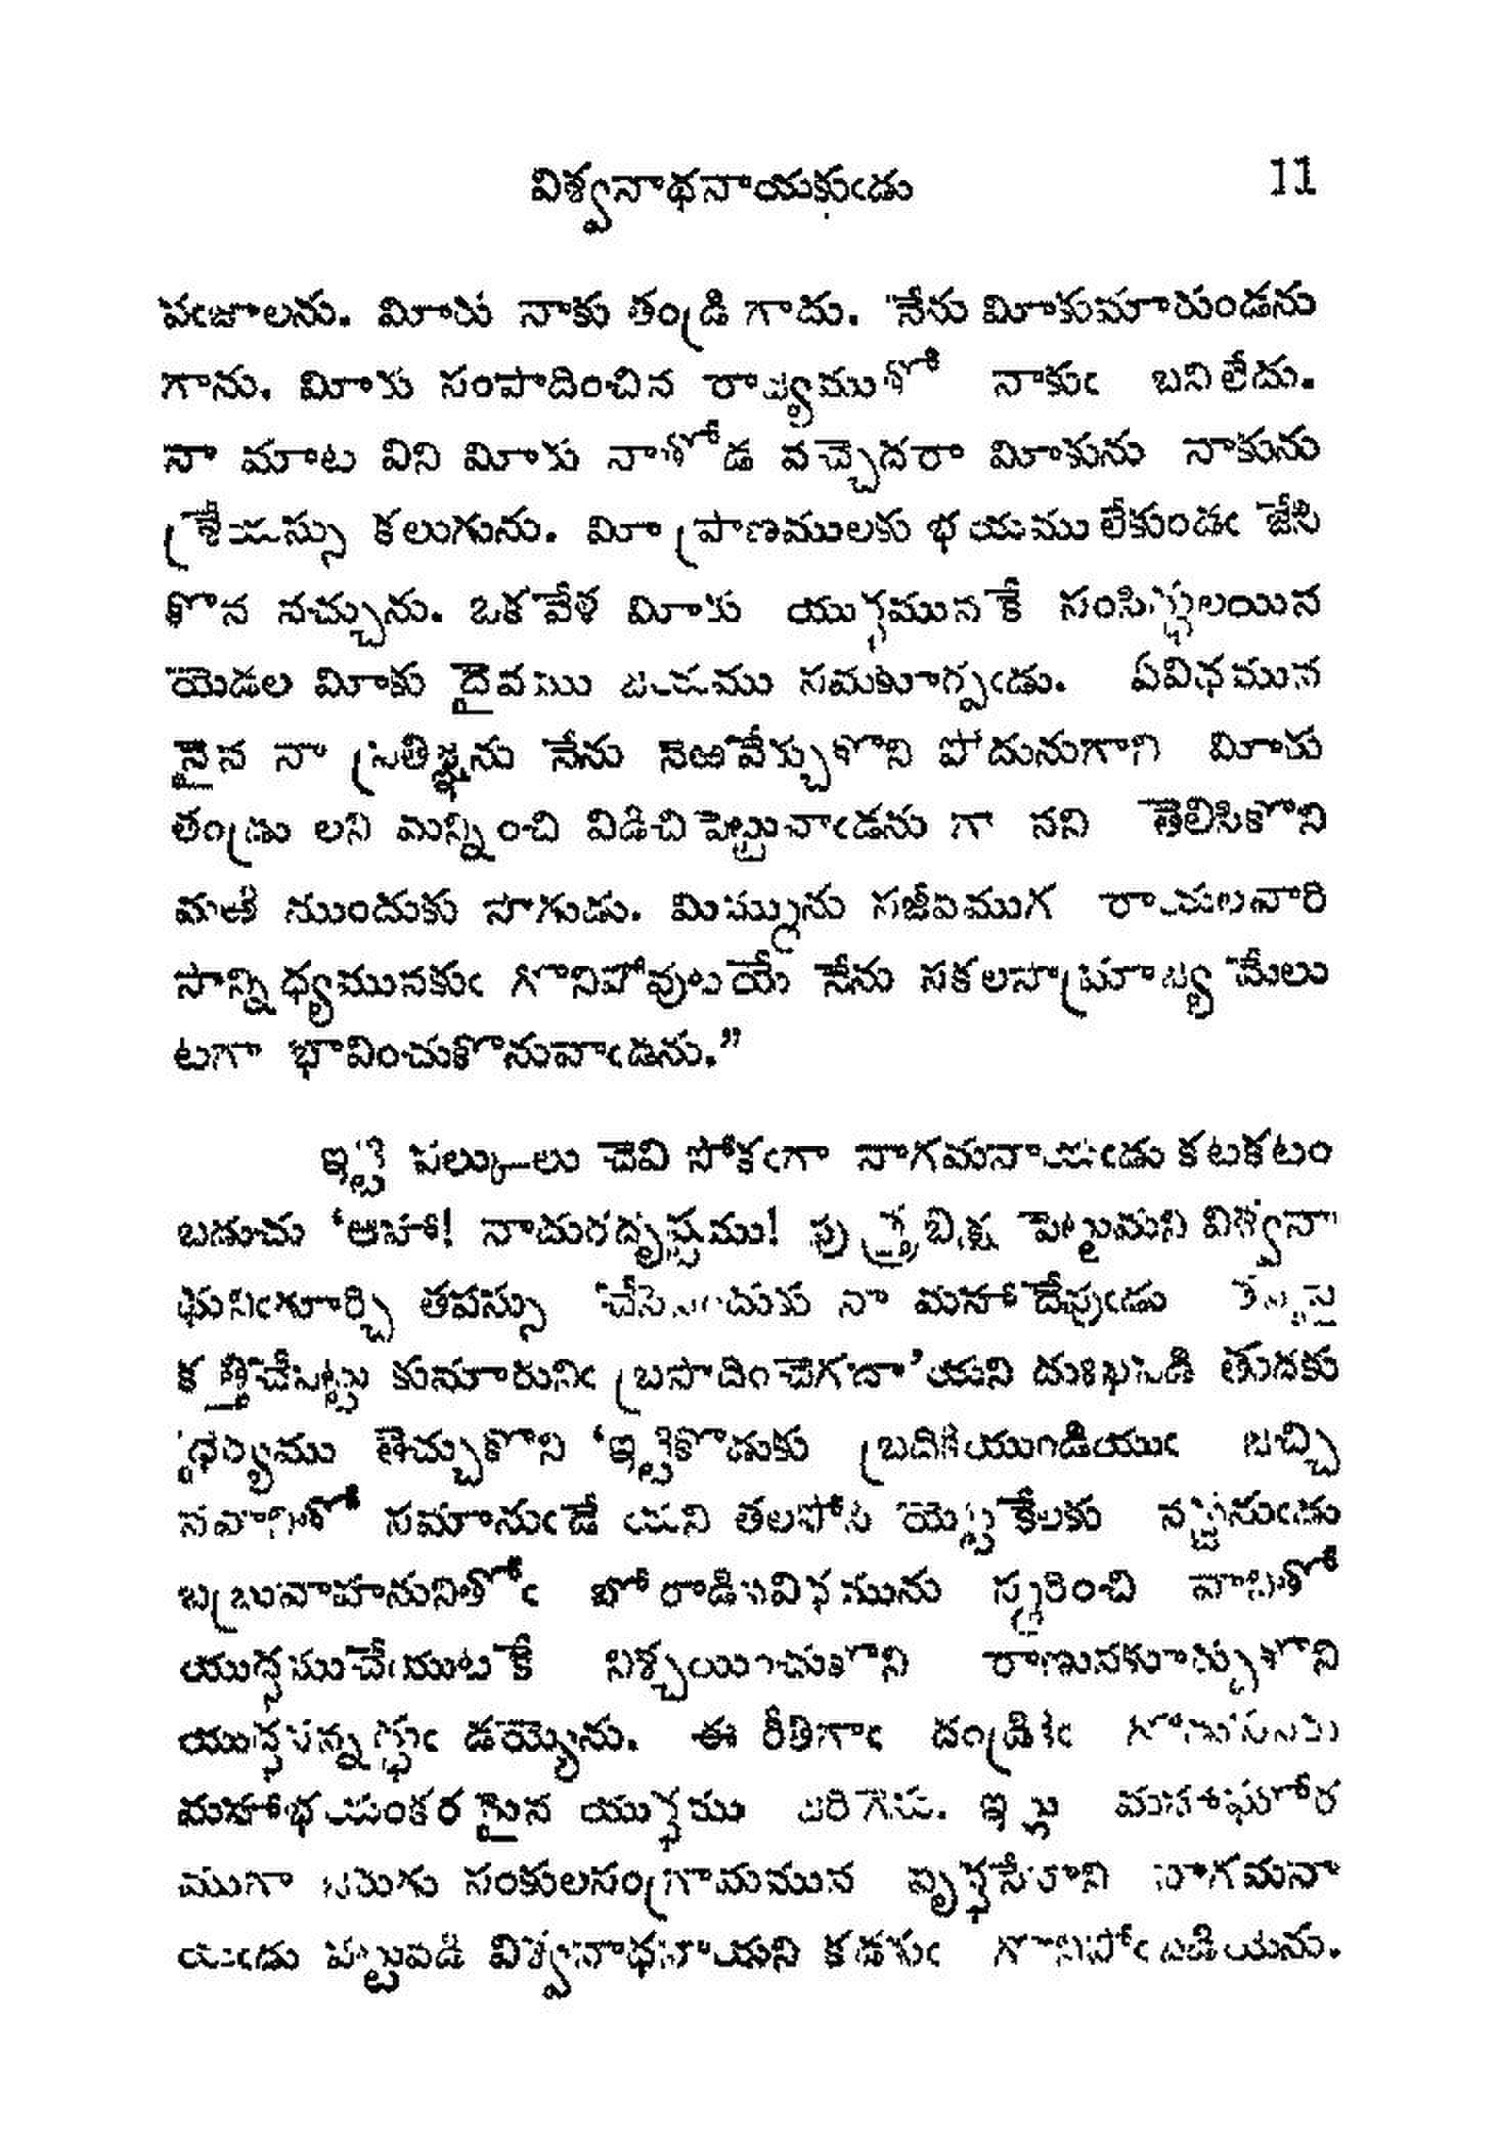పఁజాలను. మీరు నాకు తండ్రిగాదు. నేను మీకుమారుండను గాను. మీరు సంపాదించిన రాజ్యముతో నాకుఁ బనిలేదు. నా మాట విని మీరు నాతోడ వచ్చెదరా మీకును నాకును శ్రేయస్సు కలుగును. మీ ప్రాణములకు భయములేకుండఁ జేసికొన వచ్చును. ఒకవేళ మీరు యుద్ధమునకే సంసిద్ధులయిన యెడల మీకు దైవము జయము సమకూర్పఁడు. ఏవిధమున నైన నా ప్రతిజ్ఞను నేను నెఱవేర్చుకొని పోదునుగాని మీరు తండ్రు లని మన్నించి విడిచిపెట్టువాఁడను గా నని తెలిసికొని మఱి ముందుకు సాగుడు. మిమ్మును సజీవముగ రాయలవారి సాన్నిధ్యమునకుఁ గొనిపోవుటయే నేను సకలసామ్రాజ్య మేలుటగా భావించుకొనువాఁడను."

ఇట్టి పల్కులు చెవి సోకఁగా నాగమనాయఁడు కటకటం బడుచు 'ఆహా! నాదురదృష్టము! పుత్రబిక్ష పెట్టుమని విశ్వనాథునిఁగూర్చి తపస్సు చేసినందుకు నా మహాదేవుఁడు తనపై కత్తిచేపట్టు కుమారునిఁ బ్రసాదించెగదా' యని దుఃఖపడి తుదకు ధైర్యము తెచ్చుకొని 'ఇట్టికొడుకు బ్రదికియుండియుఁ జచ్చినవానితో సమానుఁడే యని తలపోసి యెట్టకేలకు నర్జునుఁడు బబ్రువాహనునితోఁ బోరాడినవిధమును స్మరించి వానితో యుద్ధముచేయుటకే నిశ్చయించుకొని రాణువకూర్చుకొని యుద్ధసన్నద్ధుఁ డయ్యెను. ఈ రీతిగాఁ దండ్రికిఁ గొడుకునకు మహాభయంకరమైన యుద్ధము జరిగెను. ఇట్లు మహాఘోరముగా జరుగు సంకులసంగ్రామమున వృద్ధసేనాని నాగమనాయఁడు పట్టువడి విశ్వనాథనాయని కడకుఁ గొనిపోఁబడియెను.